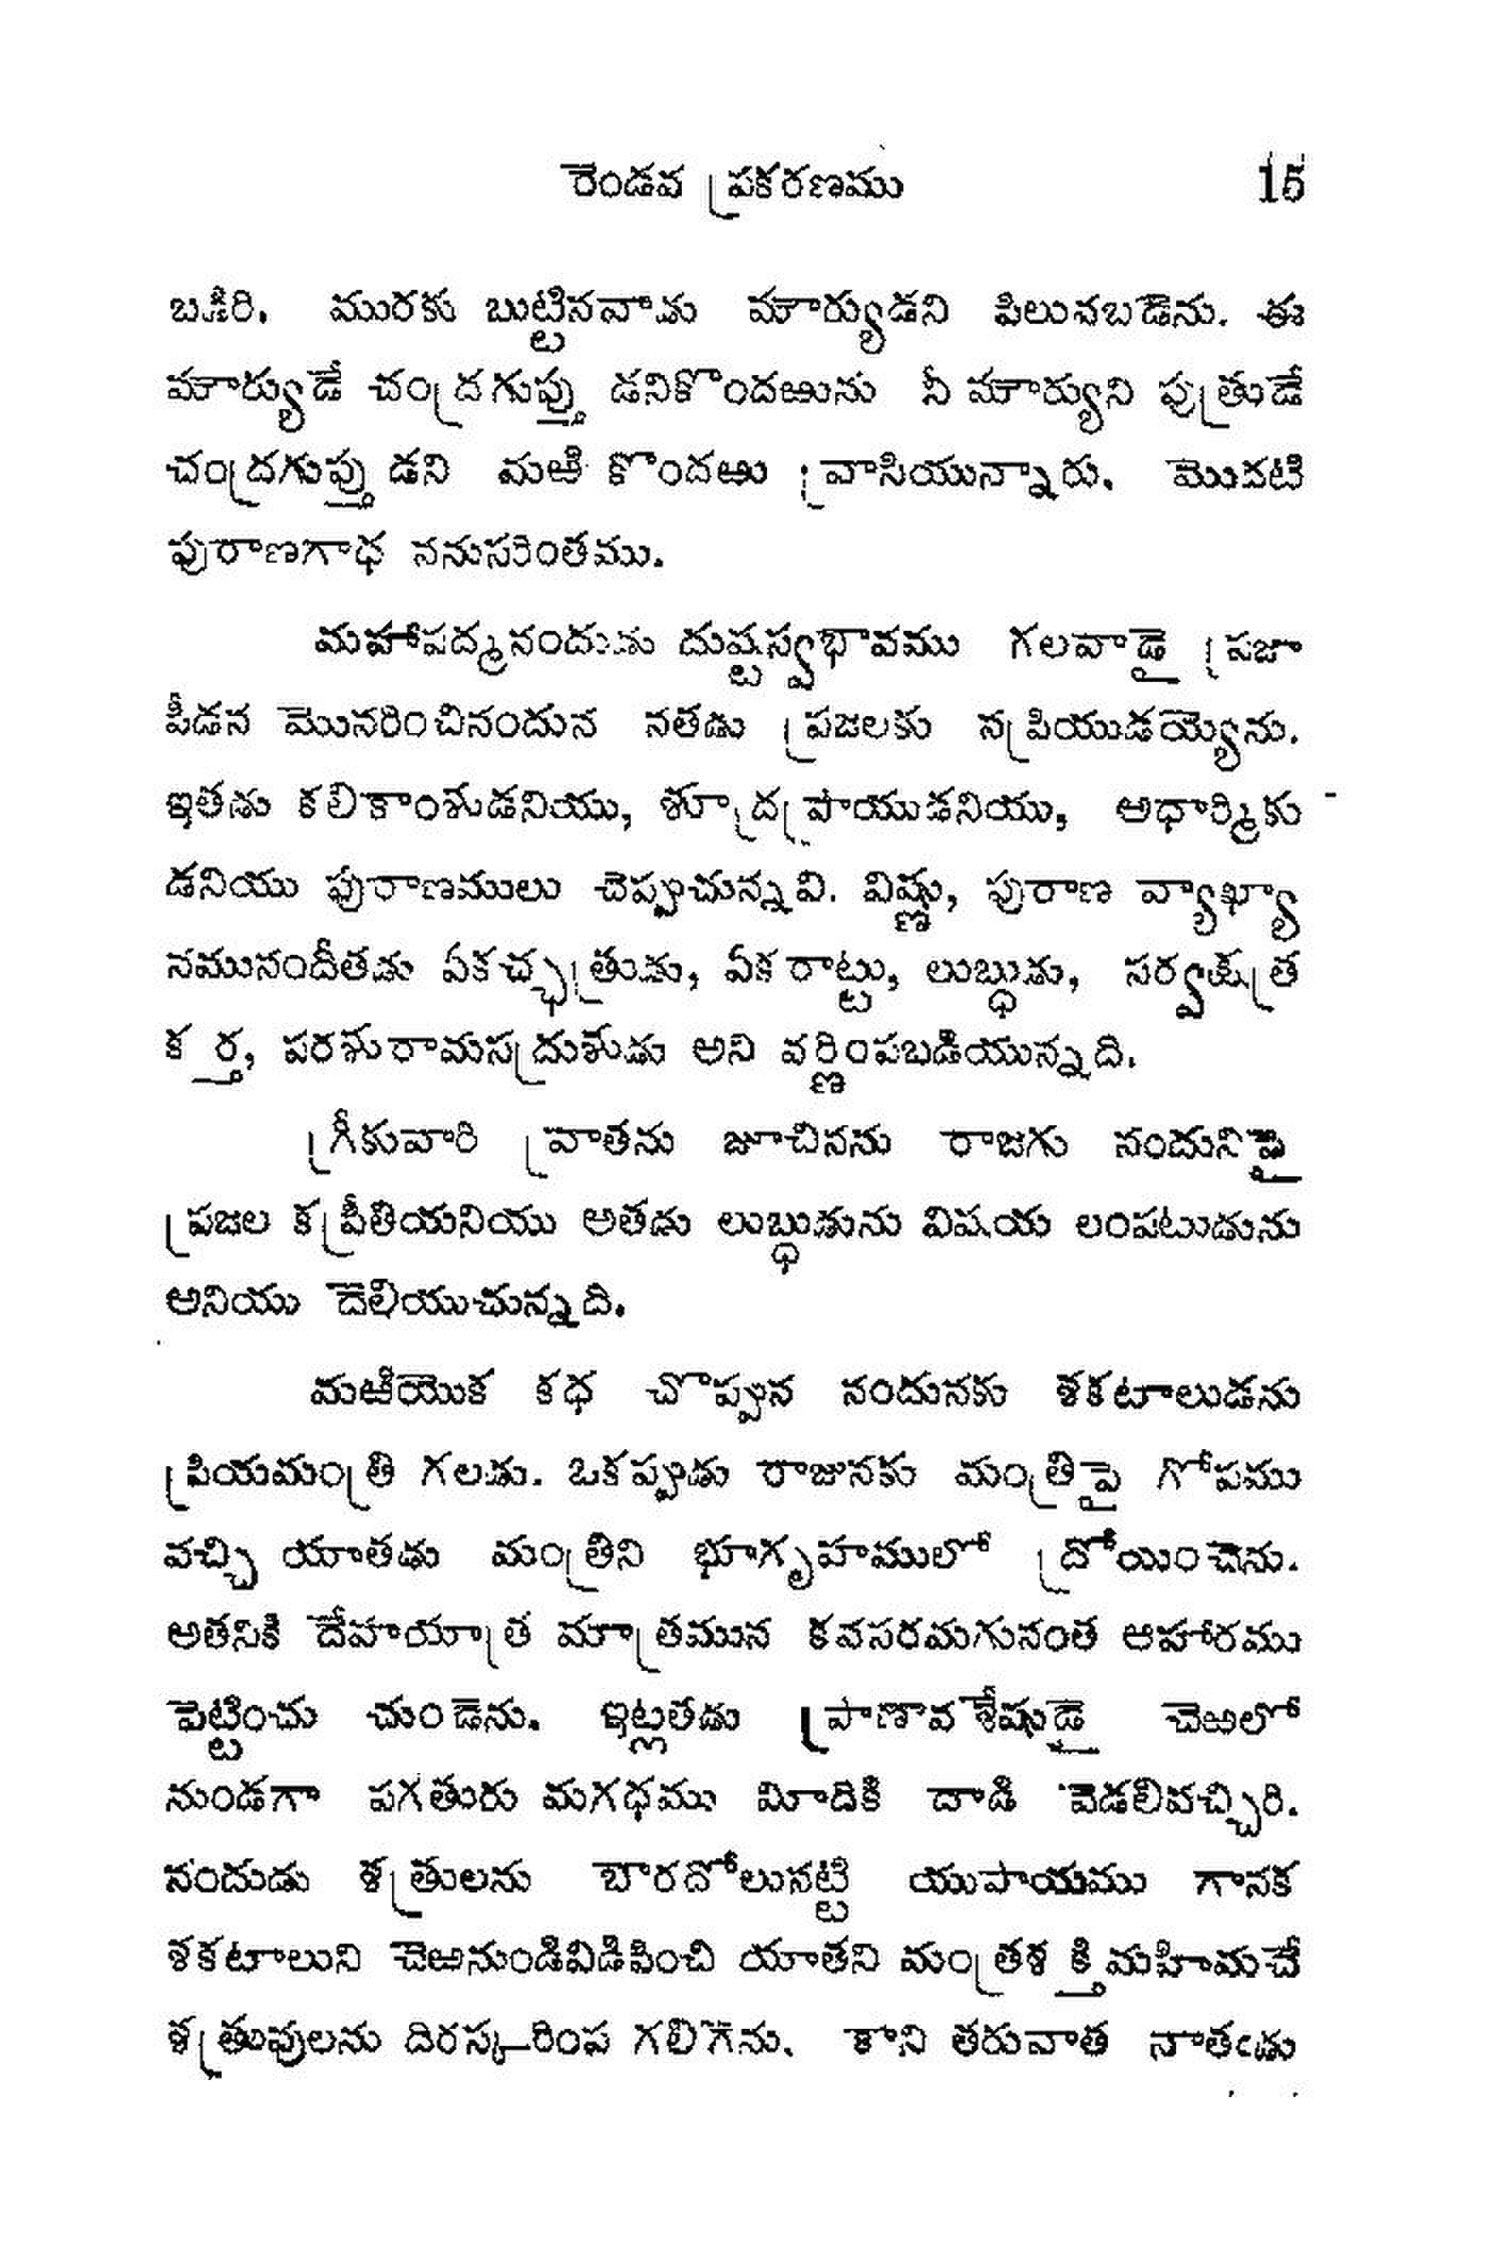బడిరి. మురకు బుట్టినవాడు మౌర్యుడని పిలువబడెను. ఈ మౌర్యుడే చంద్రగుప్తు డనికొందఱును నీ మౌర్యుని పుత్రుడే చంద్రగుప్తు డని మఱి కొందఱు వ్రాసియున్నారు. మొదటి పురాణగాధ ననుసరింతము.

మహాపద్మనందుడు దుష్టస్వభావము గలవాడై ప్రజా పీడన మొనరించినందున నతడు ప్రజలకు నప్రియుడయ్యెను. ఇతడు కలికాంశుడనియు, శూద్ర ప్రాయుడనియు, అధార్మికుడనియు పురాణములు చెప్పుచున్నవి. విష్ణు, పురాణ వ్యాఖ్యానమునందీతడు ఏకచ్ఛత్రుడు, ఏకరాట్టు, లుబ్ధుడు, సర్వక్షత్రకర్త, పరశురామసద్రుశుడు అని వర్ణింపబడియున్నది.

గ్రీకువారి వ్రాతను జూచినను రాజగు నందునిపై ప్రజల కప్రీతియనియు అతడు లుబ్ధుడును విషయ లంపటుడును అనియు దెలియుచున్నది.

మఱియొక కధ చొప్పున నందునకు శకటాలుడను ప్రియమంత్రి గలడు. ఒకప్పుడు రాజునకు మంత్రిపై గోపము వచ్చి యాతడు మంత్రిని భూగృహములో ద్రోయించెను. అతనికి దేహయాత్ర మాత్రమున కవసరమగునంత ఆహారము పెట్టించు చుండెను. ఇట్లతడు ప్రాణావశేషుడై చెఱలో నుండగా పగతురు మగధము మీదికి దాడి వెడలివచ్చిరి. నందుడు శత్రులను భారదోలునట్టి యుపాయము గానక శకటాలుని చెఱనుండివిడిపించి యాతని మంత్రశక్తి మహిమచే శత్రువులను దిరస్కరింప గలిగెను. కాని తరువాత నాతఁడు